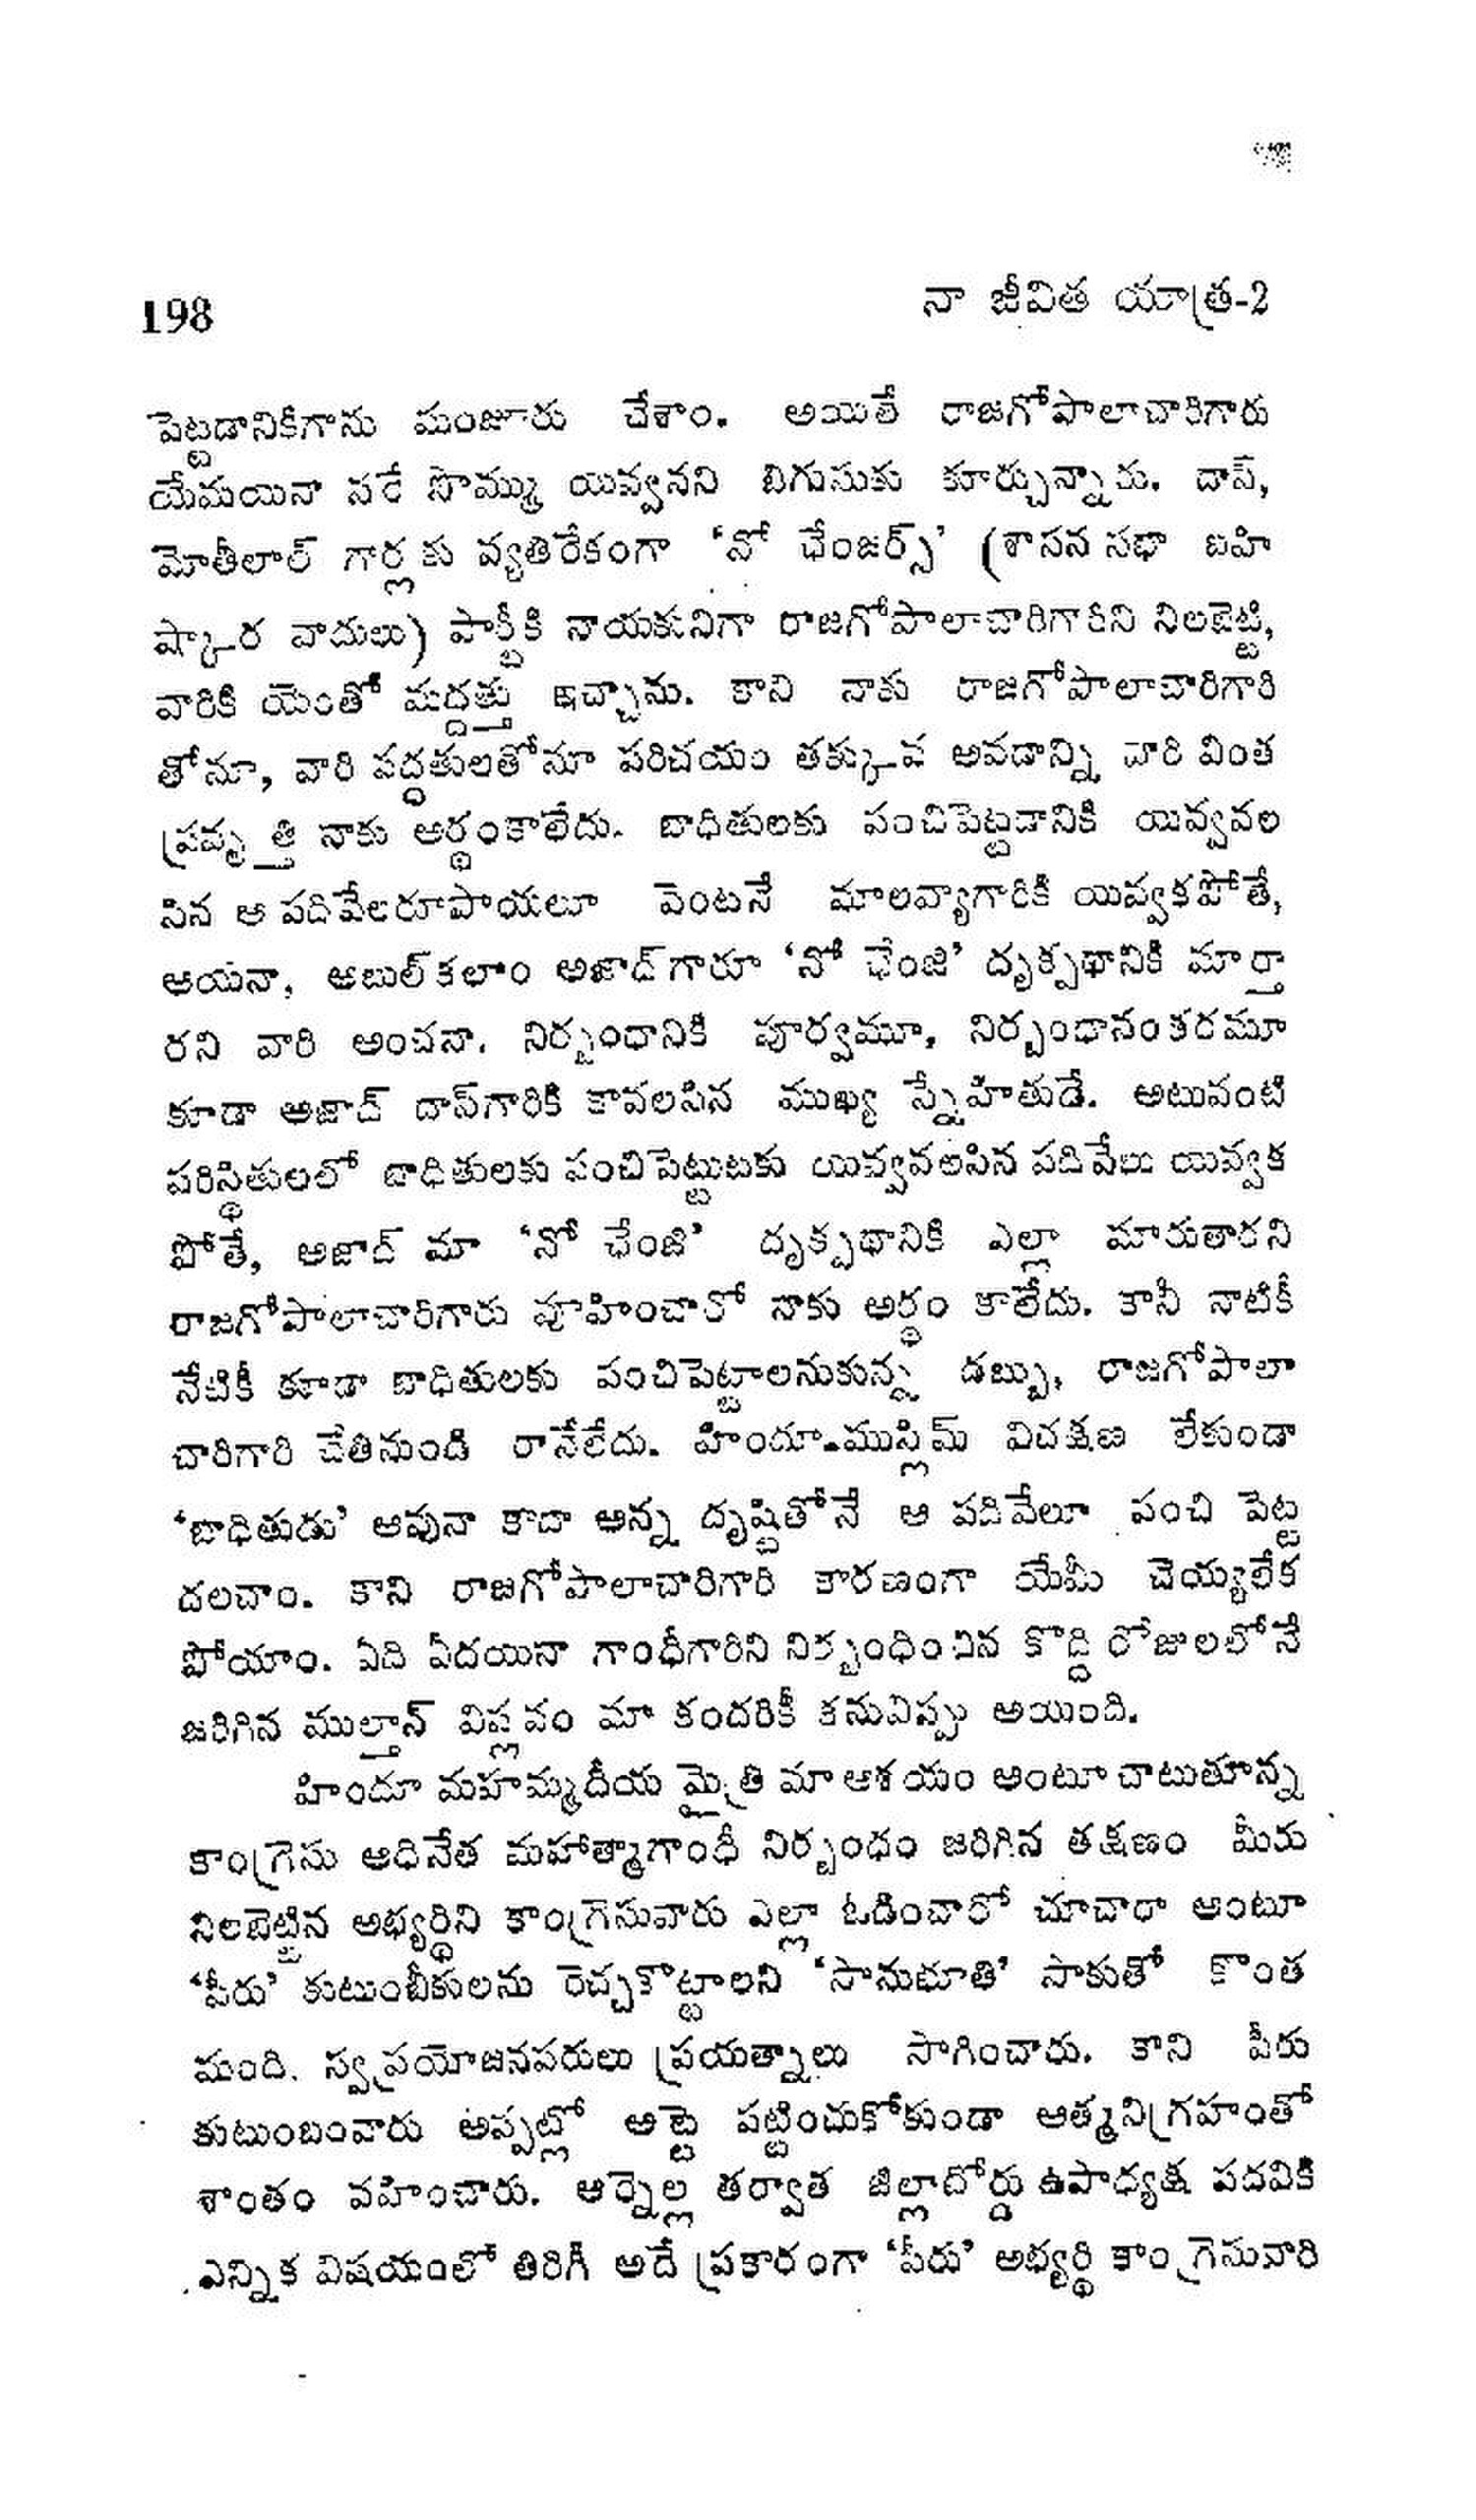పెట్టడానికి గాను మంజూరు చేశాం. అయితే రాజగోపాలాచారిగారు యేమయినా సరే సొమ్ము యివ్వనని బిగుసుకు కూర్చున్నారు. దాస్, మోతిలాల్ గార్లకు వ్యతిరేకంగా "నో చేంజర్స్" (శాసన సభా బహిష్కార వాదులు) పార్టీకి నాయకునిగా రాజగోపాలాచారిగారిని నిలబెట్టి, వారికి యెంతో మద్దత్తు ఇచ్చాను. కాని నాకు రాజగోపాలాచారిగారితోనూ, వారి పద్దతులతోనూ పరిచయం తక్కువ అవడాన్ని వారి వింత ప్రవృత్తి నాకు అర్థంకాలేదు. బాధితులకు పంచిపెట్టడానికి యివ్వవలసిన అ పదివేలరూపాయలూ వెంటనే మాలవ్యాగారికి యివ్వకపోతే, ఆయనా, అబుల్ కలాం అజాద్‌గారూ "నో ఛేంజి" దృక్పథానికి మార్తారని వారి అంచనా. నిర్బందానికి పూర్వమూ, నిర్బందానంతరమూ కూడా అజాద్ దాస్‌గారికి కావలసిన ముఖ్య స్నేహితుడే. అటువంటి పరిస్థితులలో బాధితులకు పంచిపెట్టుటకు యివ్వవలసిన పదివేలు యివ్వకపోతే, అజాద్ మా "నో చేంజి" దృక్పథానికి ఎల్లా మారుతారని రాజగోపాలాచారిగారు వూహించారో నాకు అర్థం కాలేదు. కానీ నాటికీ నేటికీ కూడా బాధితులకు పంచిపెట్టాలనుకున్న డబ్బు, రాజగోపాలాచారిగారి చేతినుండి రానేలేదు. హిందూ-ముస్లిం విచక్షణ లేకుండా "బాధితుడు" అవునా కాదా అన్న దృష్టితోనే అ పదివేలూ పంచి పెట్ట దలచాం. కాని రాజగోపాలాచారిగారి కారణంగా యేమీ చెయ్యలేకపోయాం. ఏది ఏదయినా గాంధీగారిని నిర్బంధించిన కొద్ది రోజులలోనే జరిగిన ముల్తాన్ విప్లవం మా కందరికీ కనువిప్పు అయింది.

హిందూ మహమ్మదీయ మైత్రి మా ఆశయం అంటూ చాటుతూన్న కాంగ్రెసు అధినేత మహాత్మాగాంధీ నిర్బంధం జరిగిన తక్షణం మీరు నిలబెట్టిన అభ్యర్థిని కాంగ్రెసువారు ఎల్లా ఓడించారో చూచారా అంటూ "పీరు" కుటుంబీకులను రెచ్చకొట్టాలని "సానుభూతి" సాకుతో కొంత మంది స్వప్రయోజన పరులు ప్రయత్నాలు సాగించారు. కాని పీరు కుటుంబంవారు అప్పట్లో అట్టె పట్టించుకోకుండా ఆత్మనిగ్రహంతో శాంతం వహించారు. ఆర్నెల్ల తర్వాత జిల్లాబోర్డు ఉపాధ్యక్ష పదవికి ఎన్నిక విషయంలో తిరిగీ అదే ప్రకారంగా "పీరు" అభ్యర్థి కాంగ్రెసువారి